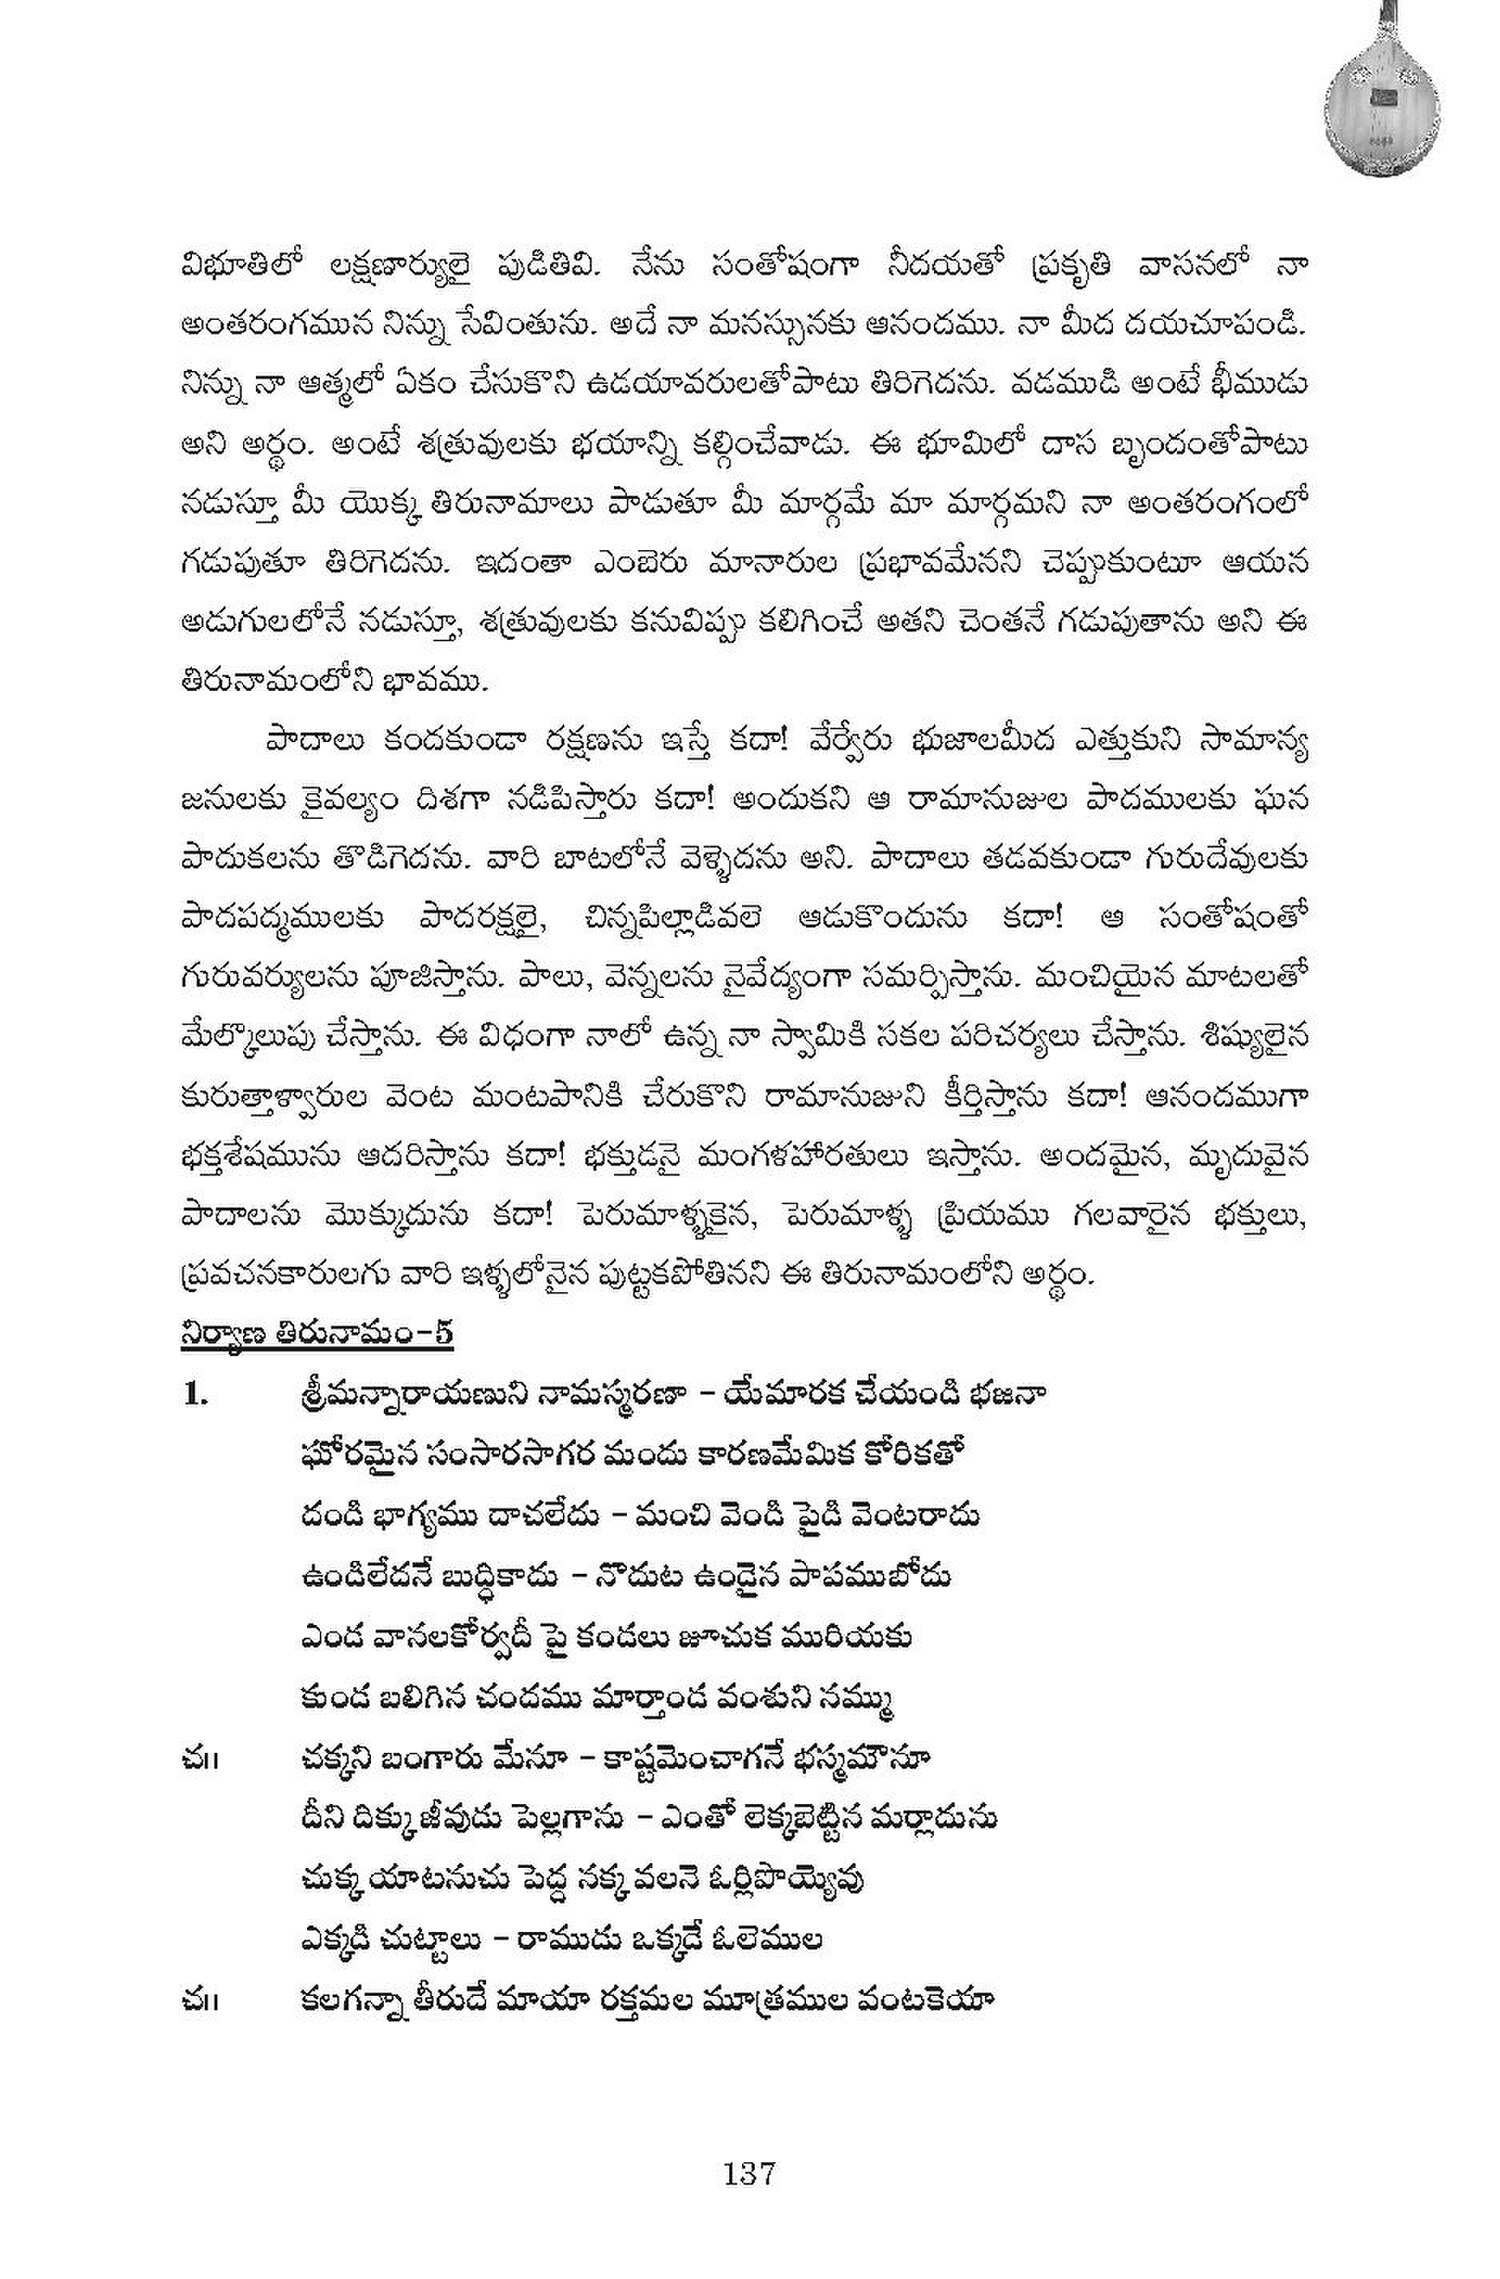విభూతిలో లక్షణార్యులై పుడితివి. నేను సంతోషంగా నీదయతో ప్రకృతి వాసనలో నా అంతరంగమున నిన్ను సేవింతును. అదే నా మనస్సునకు ఆనందము. నా మీద దయచూపండి. నిన్ను నా ఆత్మలో ఏకం చేసుకొని ఉడయావరులతోపాటు తిరిగెదను. వడముడి అంటే భీముడు అని అర్థం. అంటే శత్రువులకు భయాన్ని కల్గించేవాడు. ఈ భూమిలో దాస బృందంతోపాటు నడుస్తూ మీ యొక్క తిరునామాలు పాడుతూ మీ మార్గమే మా మార్గమని నా అంతరంగంలో గడుపుతూ తిరిగెదను. ఇదంతా ఎంబెరు మానరుల ప్రభావమేనని చెప్పుకుంటూ ఆయన అడుగులలోనే నడుస్తూ, శత్రువులకు కనువిప్పు కలిగించే అతని చెంతనే గడుపుతాను అని ఈ తిరునామంలోని భావము.

పాదాలు కందకుండా రక్షణను ఇస్తే కదా! వేర్వేరు భుజాలమీద ఎత్తుకుని సామాన్య జనులకు కైవల్యం దిశగా నడిపిస్తారు కదా! అందుకని ఆ రామానుజుల పాదములకు ఘన పాదుకలను తొడిగెదను. వారి బాటలోనే వెళ్ళెదను అని. పాదాలు తడవకుండా గురుదేవులకు పాదపద్మములకు పాదరక్షలై, చిన్నపిల్లాడివలె ఆడుకొందును కదా! ఆ సంతోషంతో
గురువర్యులను పూజిస్తాను. పాలు, వెన్నలను నైవేద్యంగా సమర్పిస్తాను. మంచియైన మాటలతో మేల్కొలుపు చేస్తాను. ఈ విధంగా నాలో ఉన్న నా స్వామికి సకల పరిచర్యలు చేస్తాను. శిష్యులైన కురుత్తాళ్వారుల వెంట మంటపానికి చేరుకొని రామానుజుని కీర్తిస్తాను కదా! ఆనందముగా భక్తశేషమును ఆదరిస్తాను కదా! భక్తుడనై మంగళహారతులు ఇస్తాను. అందమైన, మృదువైన పాదాలను మొక్కుదును కదా! పెరుమాళ్ళకైన, పెరుమాళ్ళ ప్రియము గలవారైన భక్తులు, ప్రవచనకారులగు వారి ఇళ్ళలోనైన పుట్టకపోతినని ఈ తిరునామంలోని అర్థం.

నిర్వాణ తిరునామం-5

1. శ్రీమన్నారాయణుని నామస్మరణా - యేమారక చేయండి భజనా
ఘోరమైన సంసారసాగర మందు కారణమేమిక కోరికతో
దండి భాగ్యము దాచలేదు - మంచి వెండి పైడి వెంటరాదు
ఉండిలేదనే బుద్ధికాదు - నొదుట ఉండైన పాపముబోదు
ఎండ వానలకోర్వదీ పై కండలు జూచుక మురియకు
కుండ బలిగిన చందము మార్తాండ వంశుని నమ్ము

చ౹౹ చక్కని బంగారు మేనూ – కాష్టమెంచాగనే భస్మమౌనూ
దీని దిక్కుజీవుడు పెల్లగాను - ఎంతో లెక్కబెట్టిన మర్లాదును
చుక్క యాటనుచు పెద్ద నక్క వలనె ఓర్లిపొయ్యెవు
ఎక్కడి చుట్టాలు - రాముడు ఒక్కడే ఓలెముల

చ౹౹ కలగన్నా తీరుదే మాయా రక్తమల మూత్రముల వంటకెయా